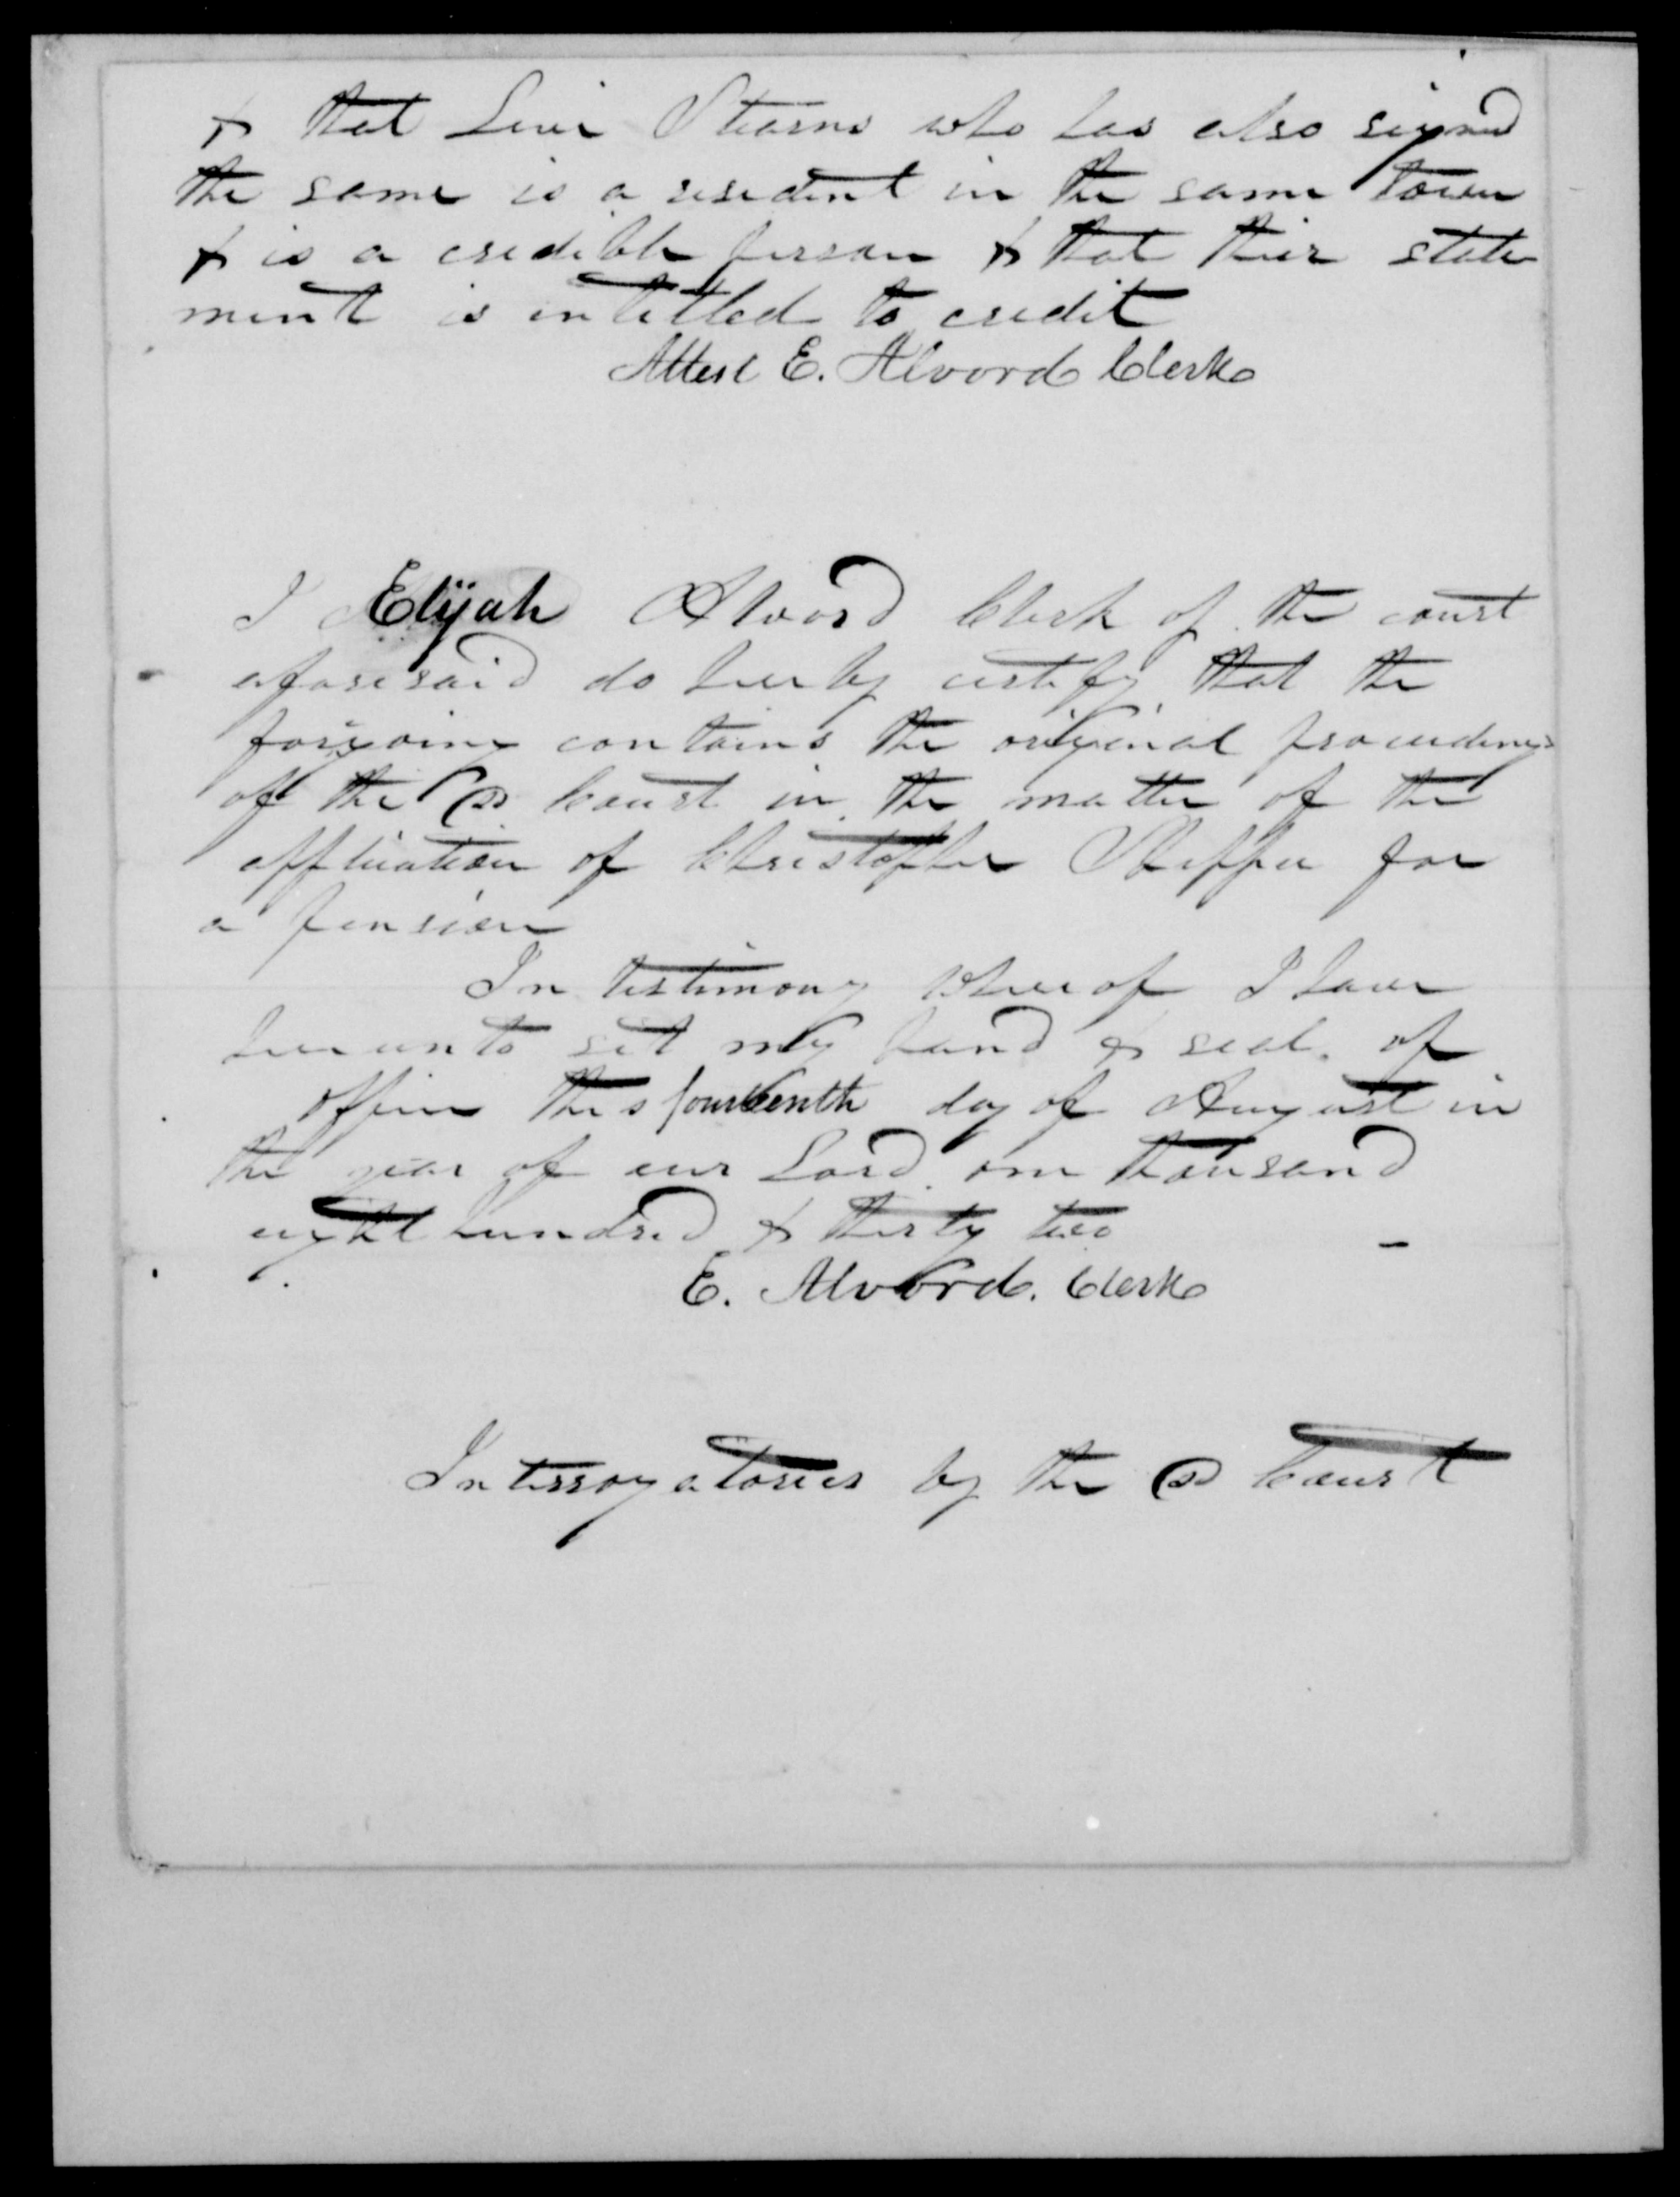and that Levi Steams who has also signed
the same is a resident in the same town
& is a credible person & that their statement is entitled to credit
Attest E. Alvord Clerk

I Elijah Alvord Clerk of the court aforesaid do herby certify that the forgoing contains the original proceedings of the Court in the matter of the application of Christopher Shippee for a pension
In testimony whereof I have here unto set my hand & seal of office this fourteenth day of August in the year of our Lord one thousand
eight hundred & thirty two
E. Alvord, Clerk
Interogatories by the Court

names: E Alvord; Levi Stearns; E Alvord; Elijah Alvord; Christopher Shippee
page: 9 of 20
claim: survivor's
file: S. 30,698, for Christopher Shippee, Rhode Island